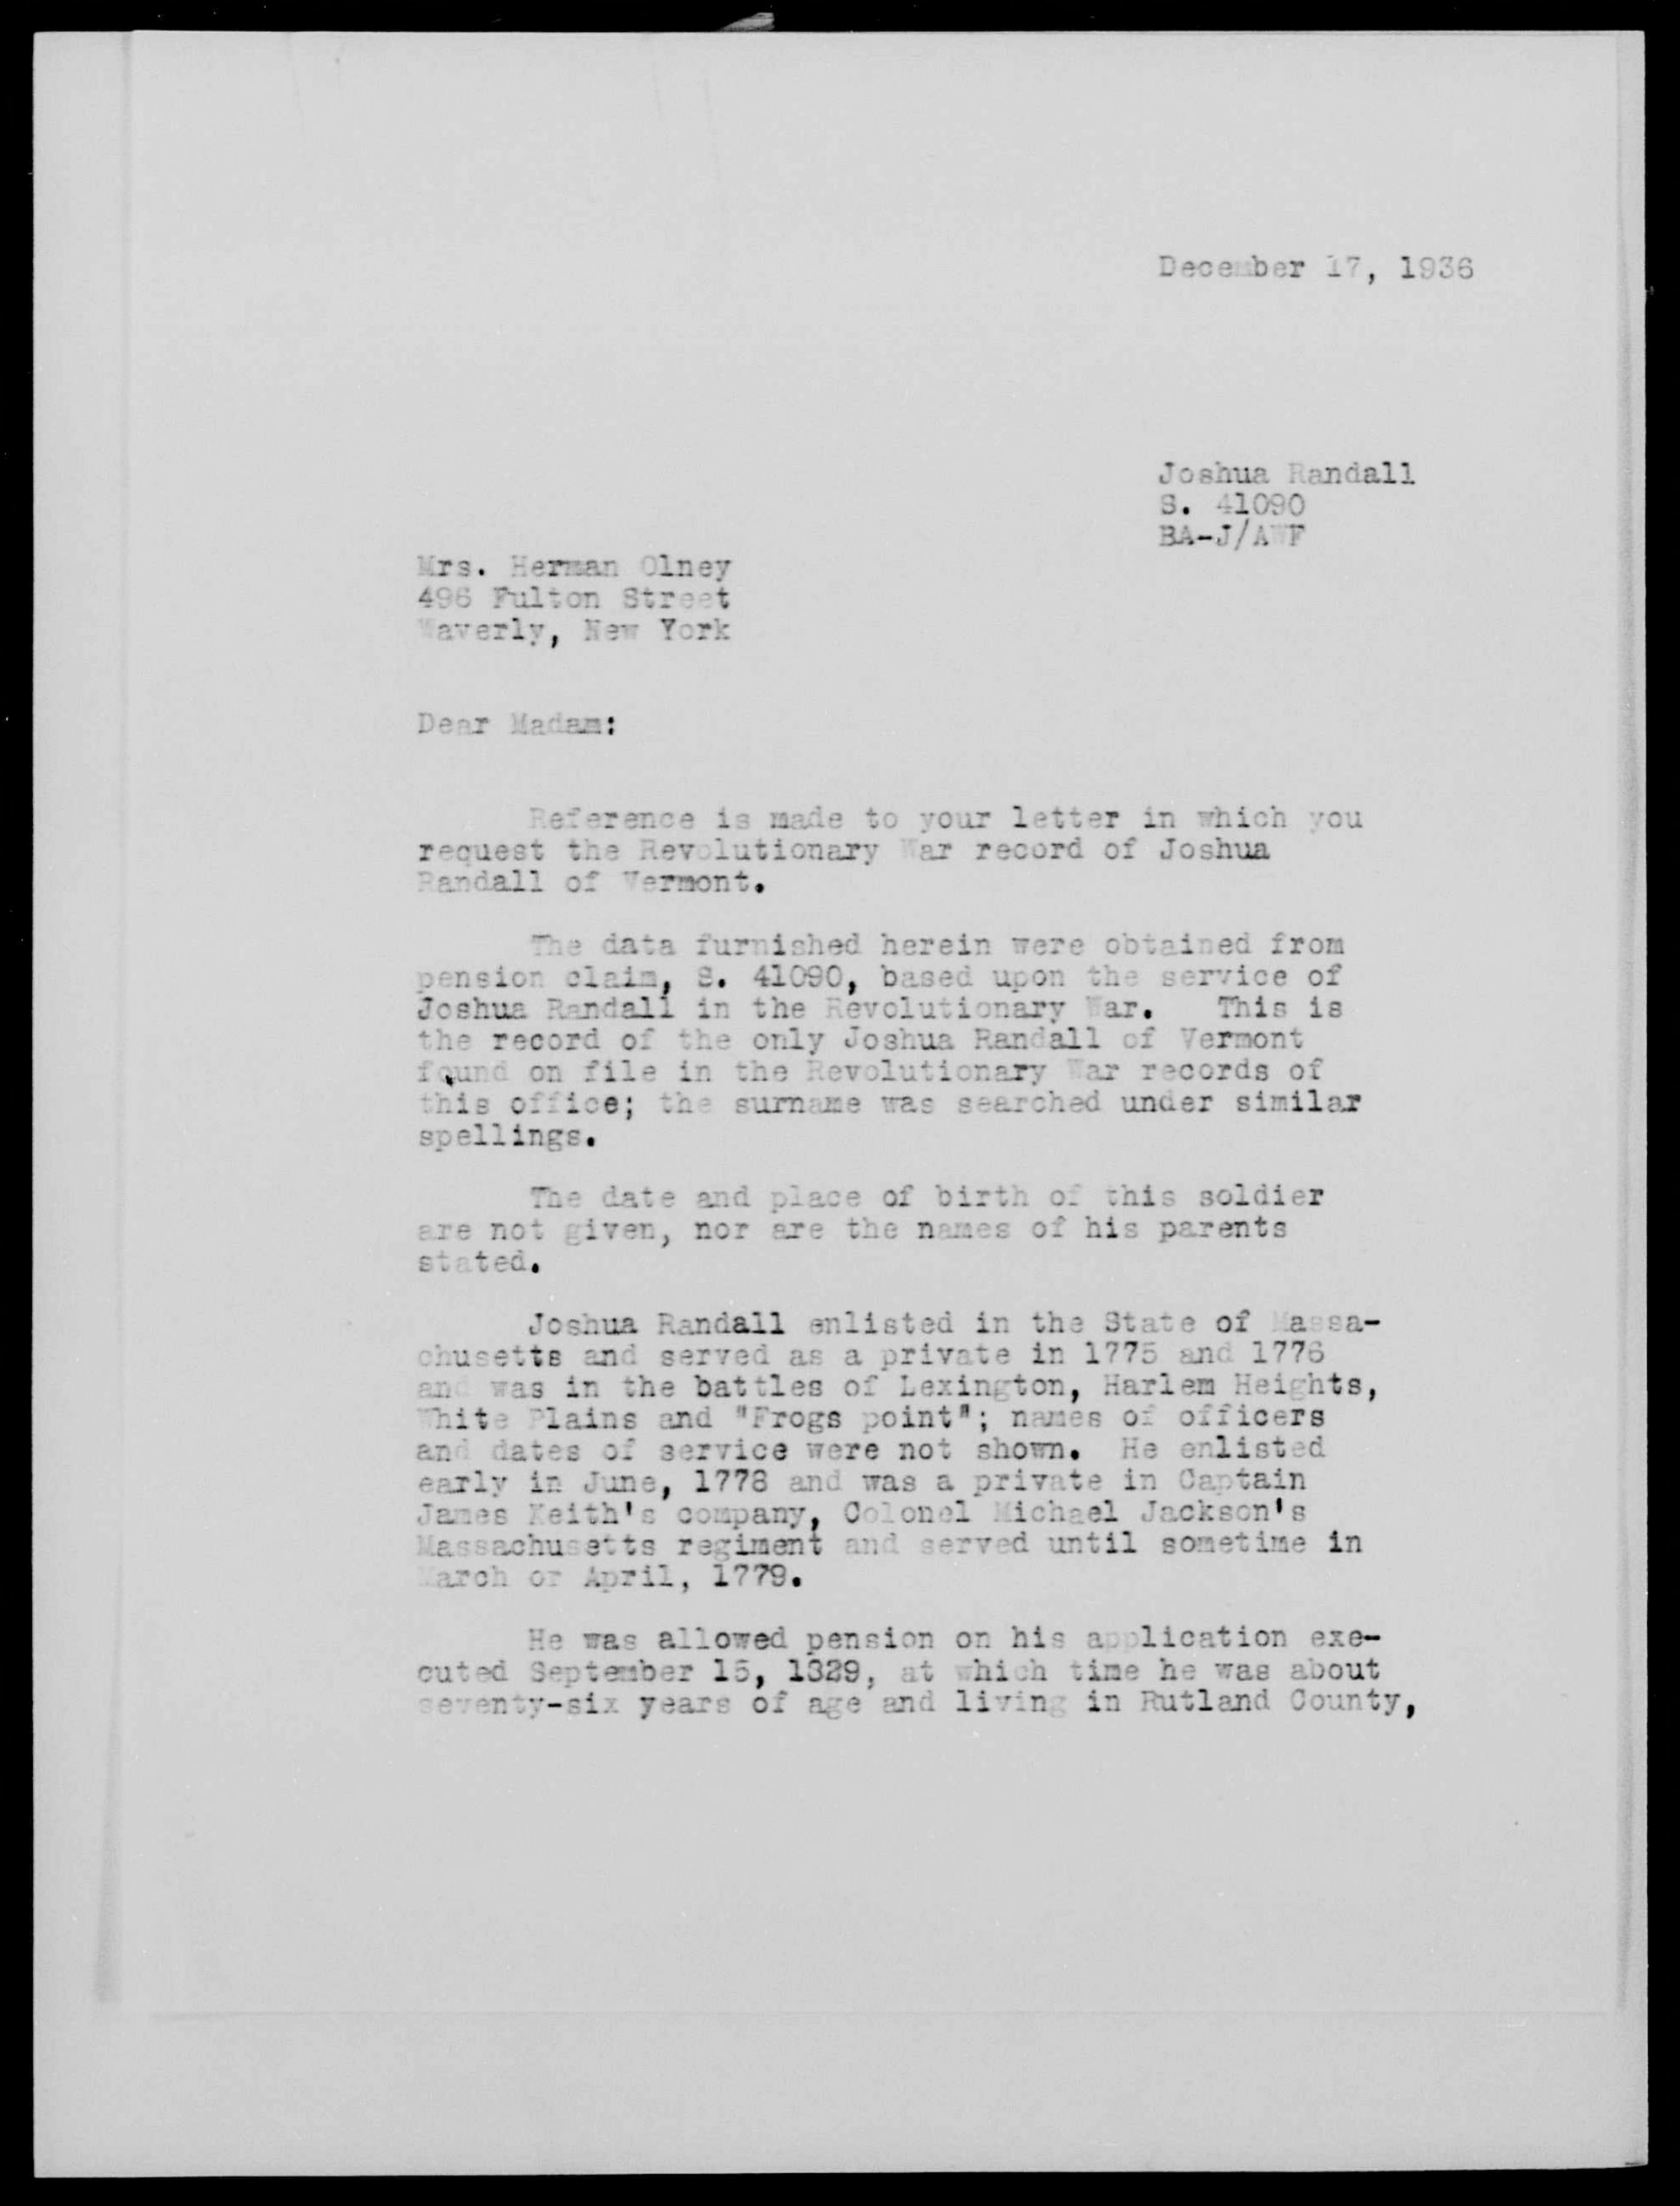December 17, 1936
Joshua Randall
S. 41090
BA-J/AF

Mrs. Herman Olney
496 Fulton Street
Waverly, New York
Dear Madam:

Reference is made to your letter in which you
request the Revolutionary War record of Joshua
Randall of Vermont.
the data furnished herein were obtained from
pension claim, S. 41090, based upon the service of
Joshua Randall in the Revolutionary War. This is
the record of the only Joshua Randall of Vermont
found on file in the Revolutionary War records of
this office; the surname was searched under similar
spellings.
The date and place of birth of this soldier
are not given, nor are the names of his parents
stated.
Joshua Randall enlisted in the State of Massachusetts
and served as a private in 1775 and 1776
an was in the battles of Lexington, Harlem Heights,
White Plains and "Frogs point”; names of officers
and dates of service were not shown. He enlisted
early in June, 1778 and was a private in Captain
James Keith's company, Colonel Michael Jackson's
Massachusetts regiment and served until sometime in
March or April, 1779.
He was allowed pension on his application executed
September 15, 1829, at which time he was about
seventy-six years of age and living in Rutland County,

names: Herman Olney; Joshua Randall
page: 5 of 20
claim: survivor's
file: S. 41,090, for Joshua Randall, Massachusetts